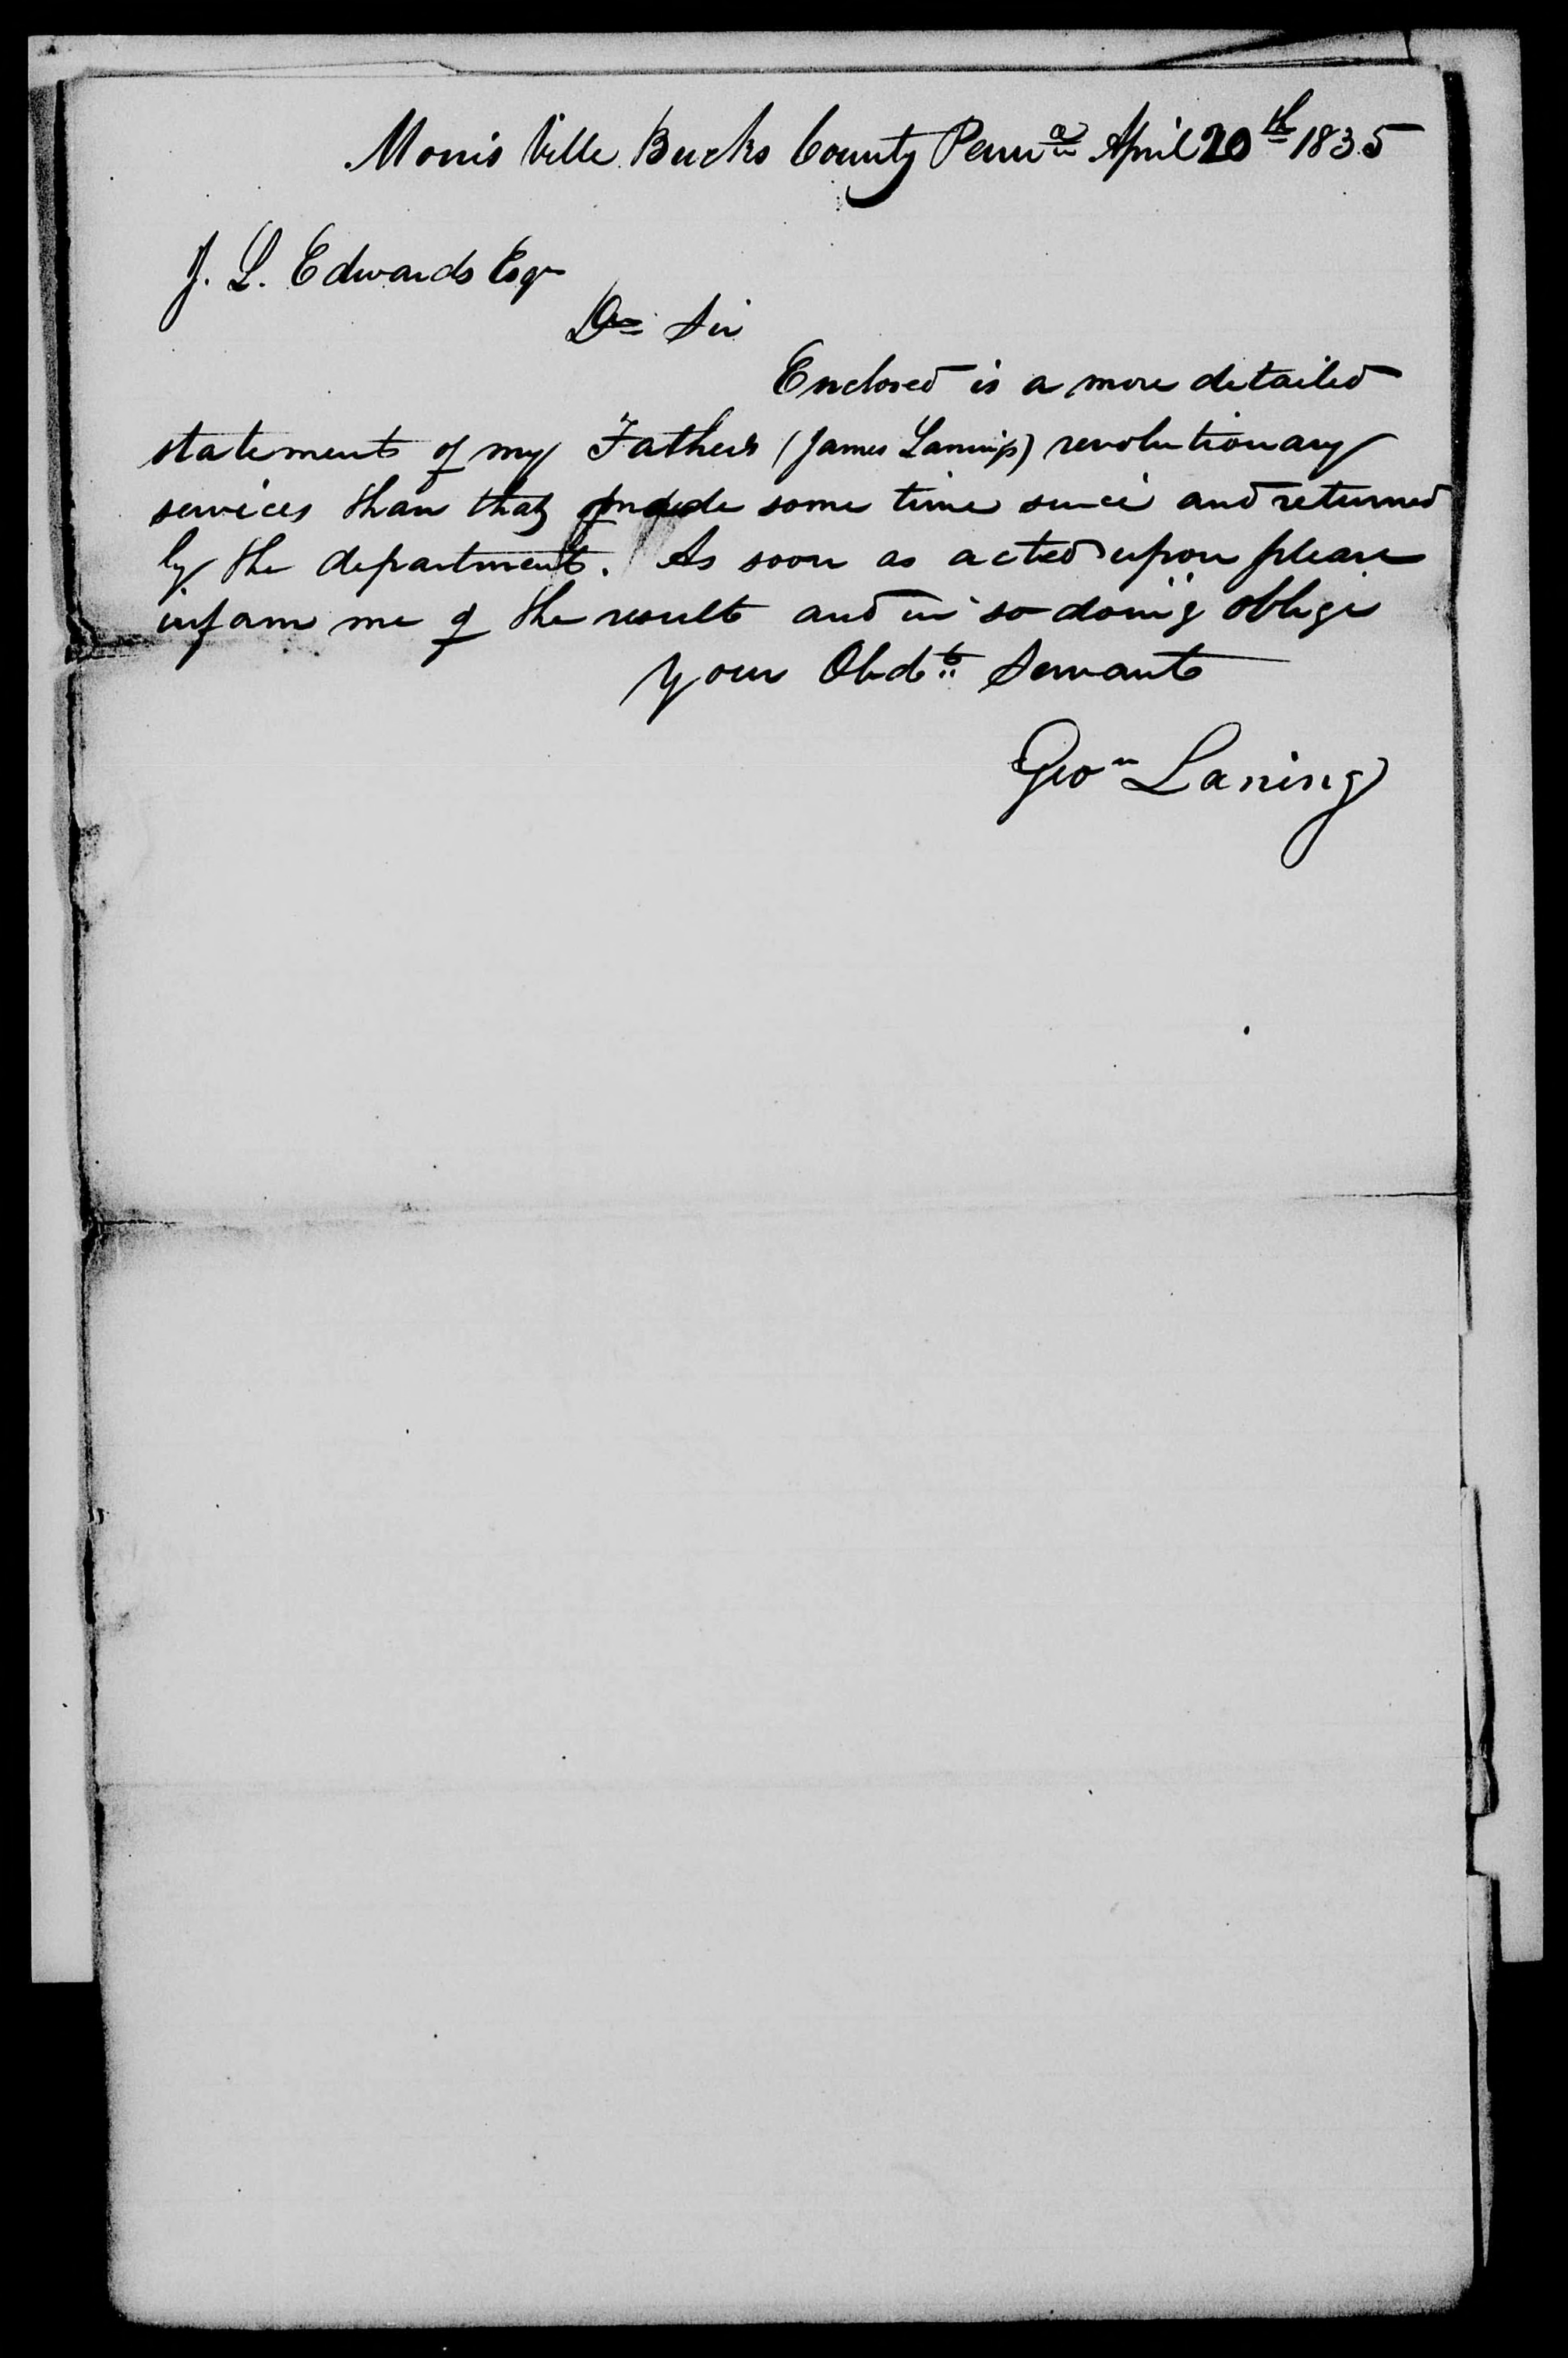Morris Ville Bucks County Penna. April 20th 1835
J.L. Edwards Esqr
Dear Sir
Enclosed is a more detailed
statement of my Fathers (James Laning) revolutionary services than that made some time since and returned by the department. As soon as acted upon please inform me of the results and in so doing oblige
Your Obd. Servant
Geo.. Laning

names: J L Edwards; Geoe Laning; James Laning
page: 28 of 39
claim: rejected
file: R. 6154, for James Laning, New Jersey